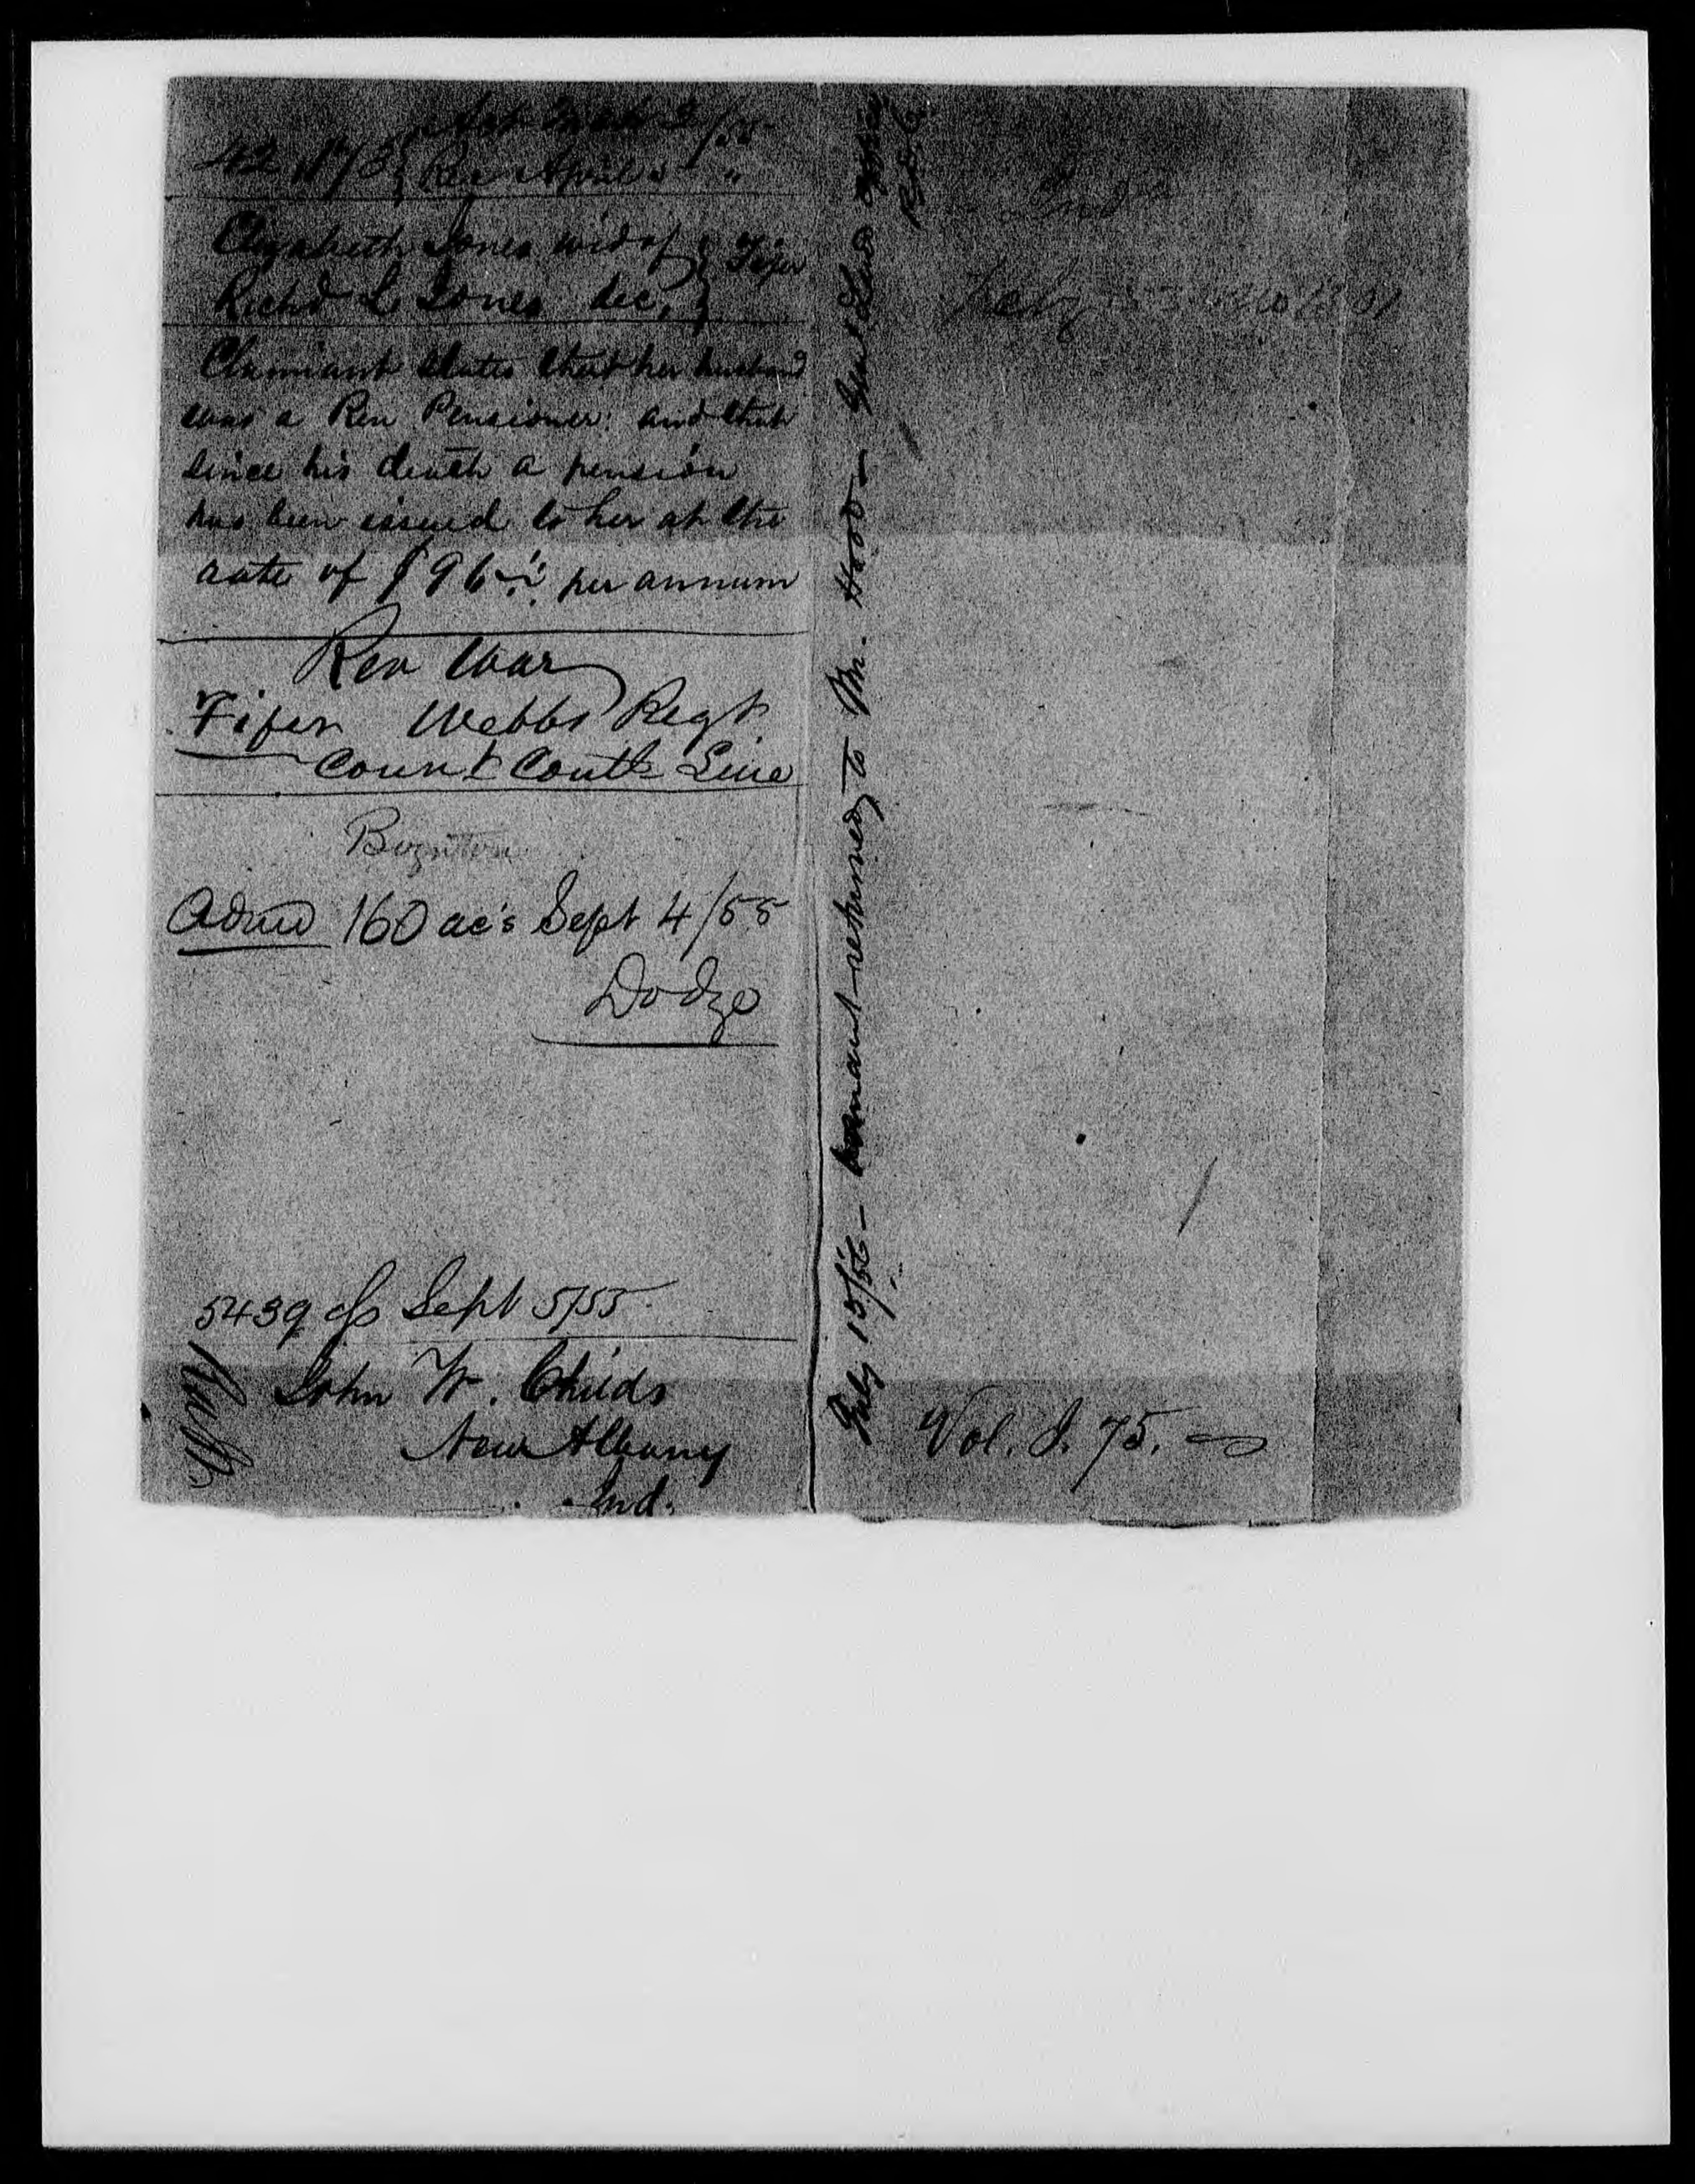Act Mar 2/53
42,173 Rec April 3 "

Elizabeth Jones Widow of Richard L Jones Dec./ Fixer
Claimant states that her husband was a Rev Pensioner: and that since his death a pension has been issued to her at the rate of $96.00 per annum

Rev War
Fifer Webbs Regt
Connt. Contl. [Connecticut Continental] line

Boynton
Admd 160 acs [acres] Sept 4/55 
Dodge

5439 Ss Sept 5/55
John W. Childs
New Albany 
Ind.
Rev War

Ind
[illegible] 53 [illegible] 13 01
Vol. D. 75. 
[written perpendicular to top]
July 15/56 - [illegible] returned to Mr. Hood -
[illegible] office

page: 4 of 62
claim: widow's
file: W. 765, for Richard L Jones, Connecticut